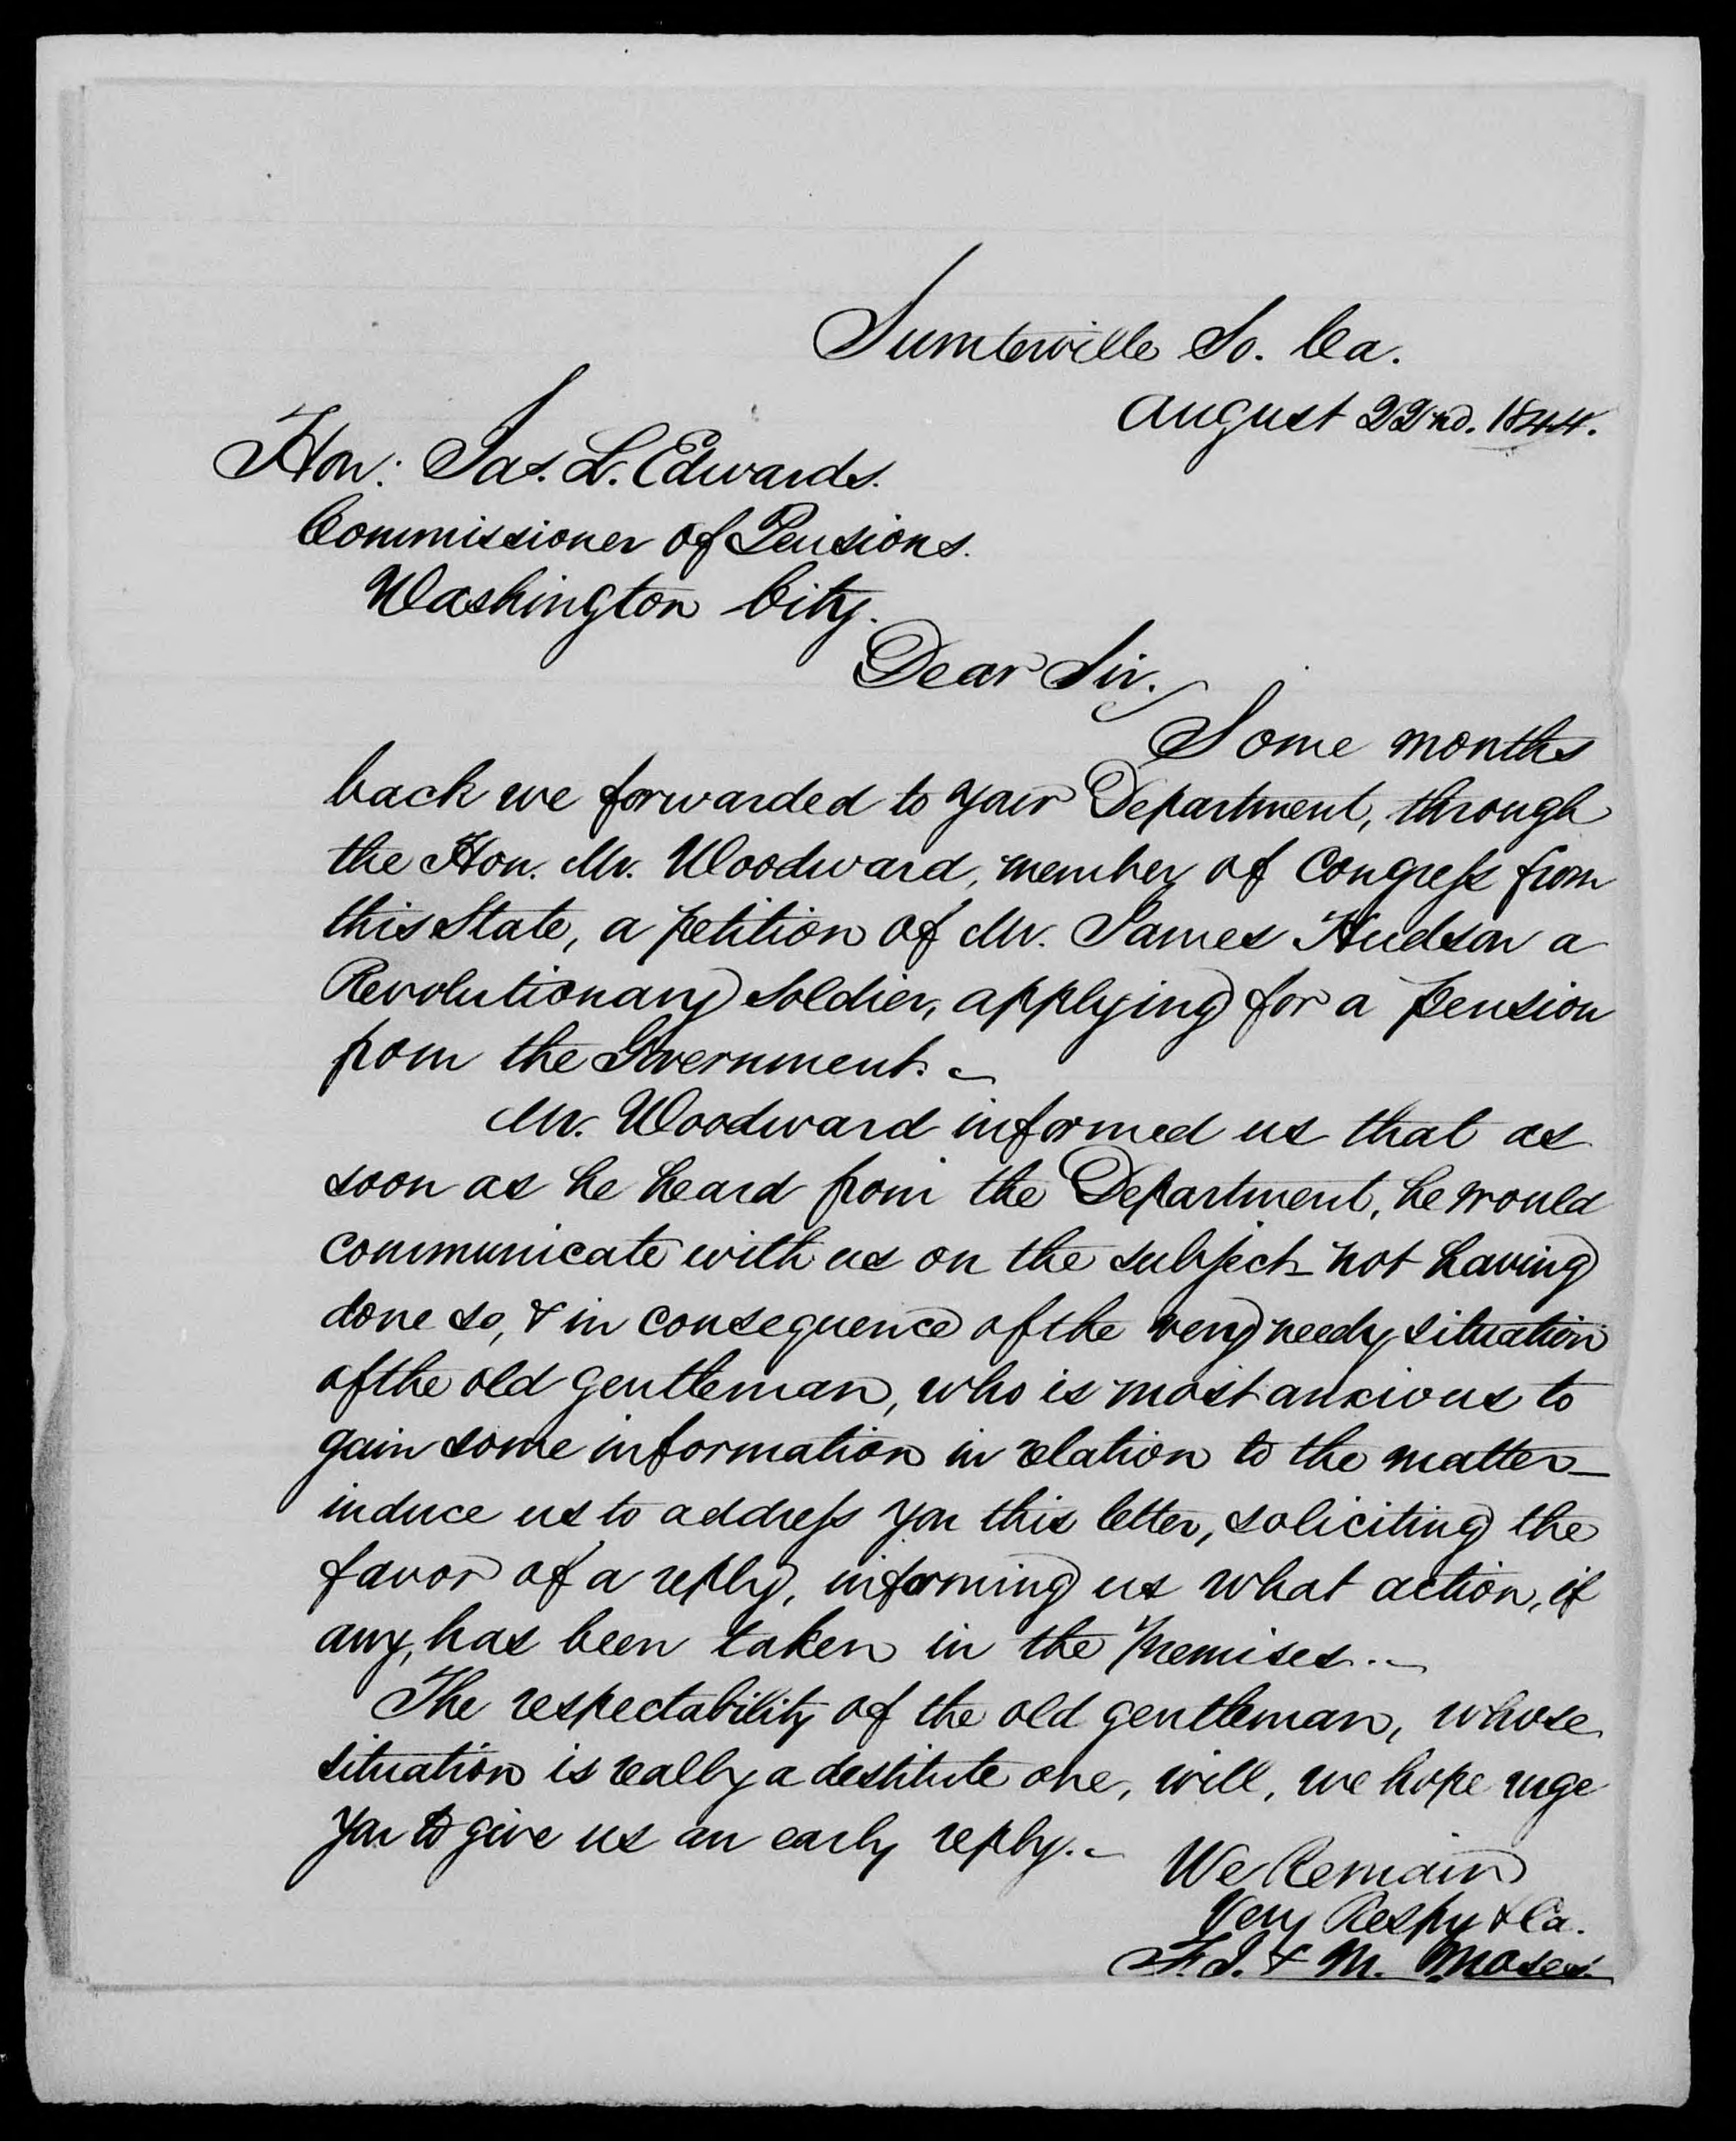Sumterville So. Ca.
August 22nd. 1844.
Hon. Ja. L. Edwards.
Commissioner of Pensions
Washington City.
D.C
Dear Sir:
Some months back we forwarded to your Department, through the Hon. Mr. Woodward, member of Congress from this State, a petition of Mr. James Hudson a Revolutionary Soldier, applying for a pension from the Government.-
Mr. Woodward informed us that as soon as he heard from the Department, he would communicate with us on the subject. Not having done so, + in consequence of the very needy situation of the old gentleman, who is most anxious to gain some information in relation to the matter, induce us to addrefs you this letter, soliciting the favor of a reply, informing us what action, if any, has been taken in the promises.
The respectability of the old gentleman, whose situation is really a destitute one, will, we hope urge you to give us an early reply. 
We Remain Very Respy Ha.
F. J. M. Moses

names: Woodward, F J M Moses, Jas L Edwards, James Hudson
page: 23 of 33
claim: rejected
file: R. 5334, James Hudson, N.C.